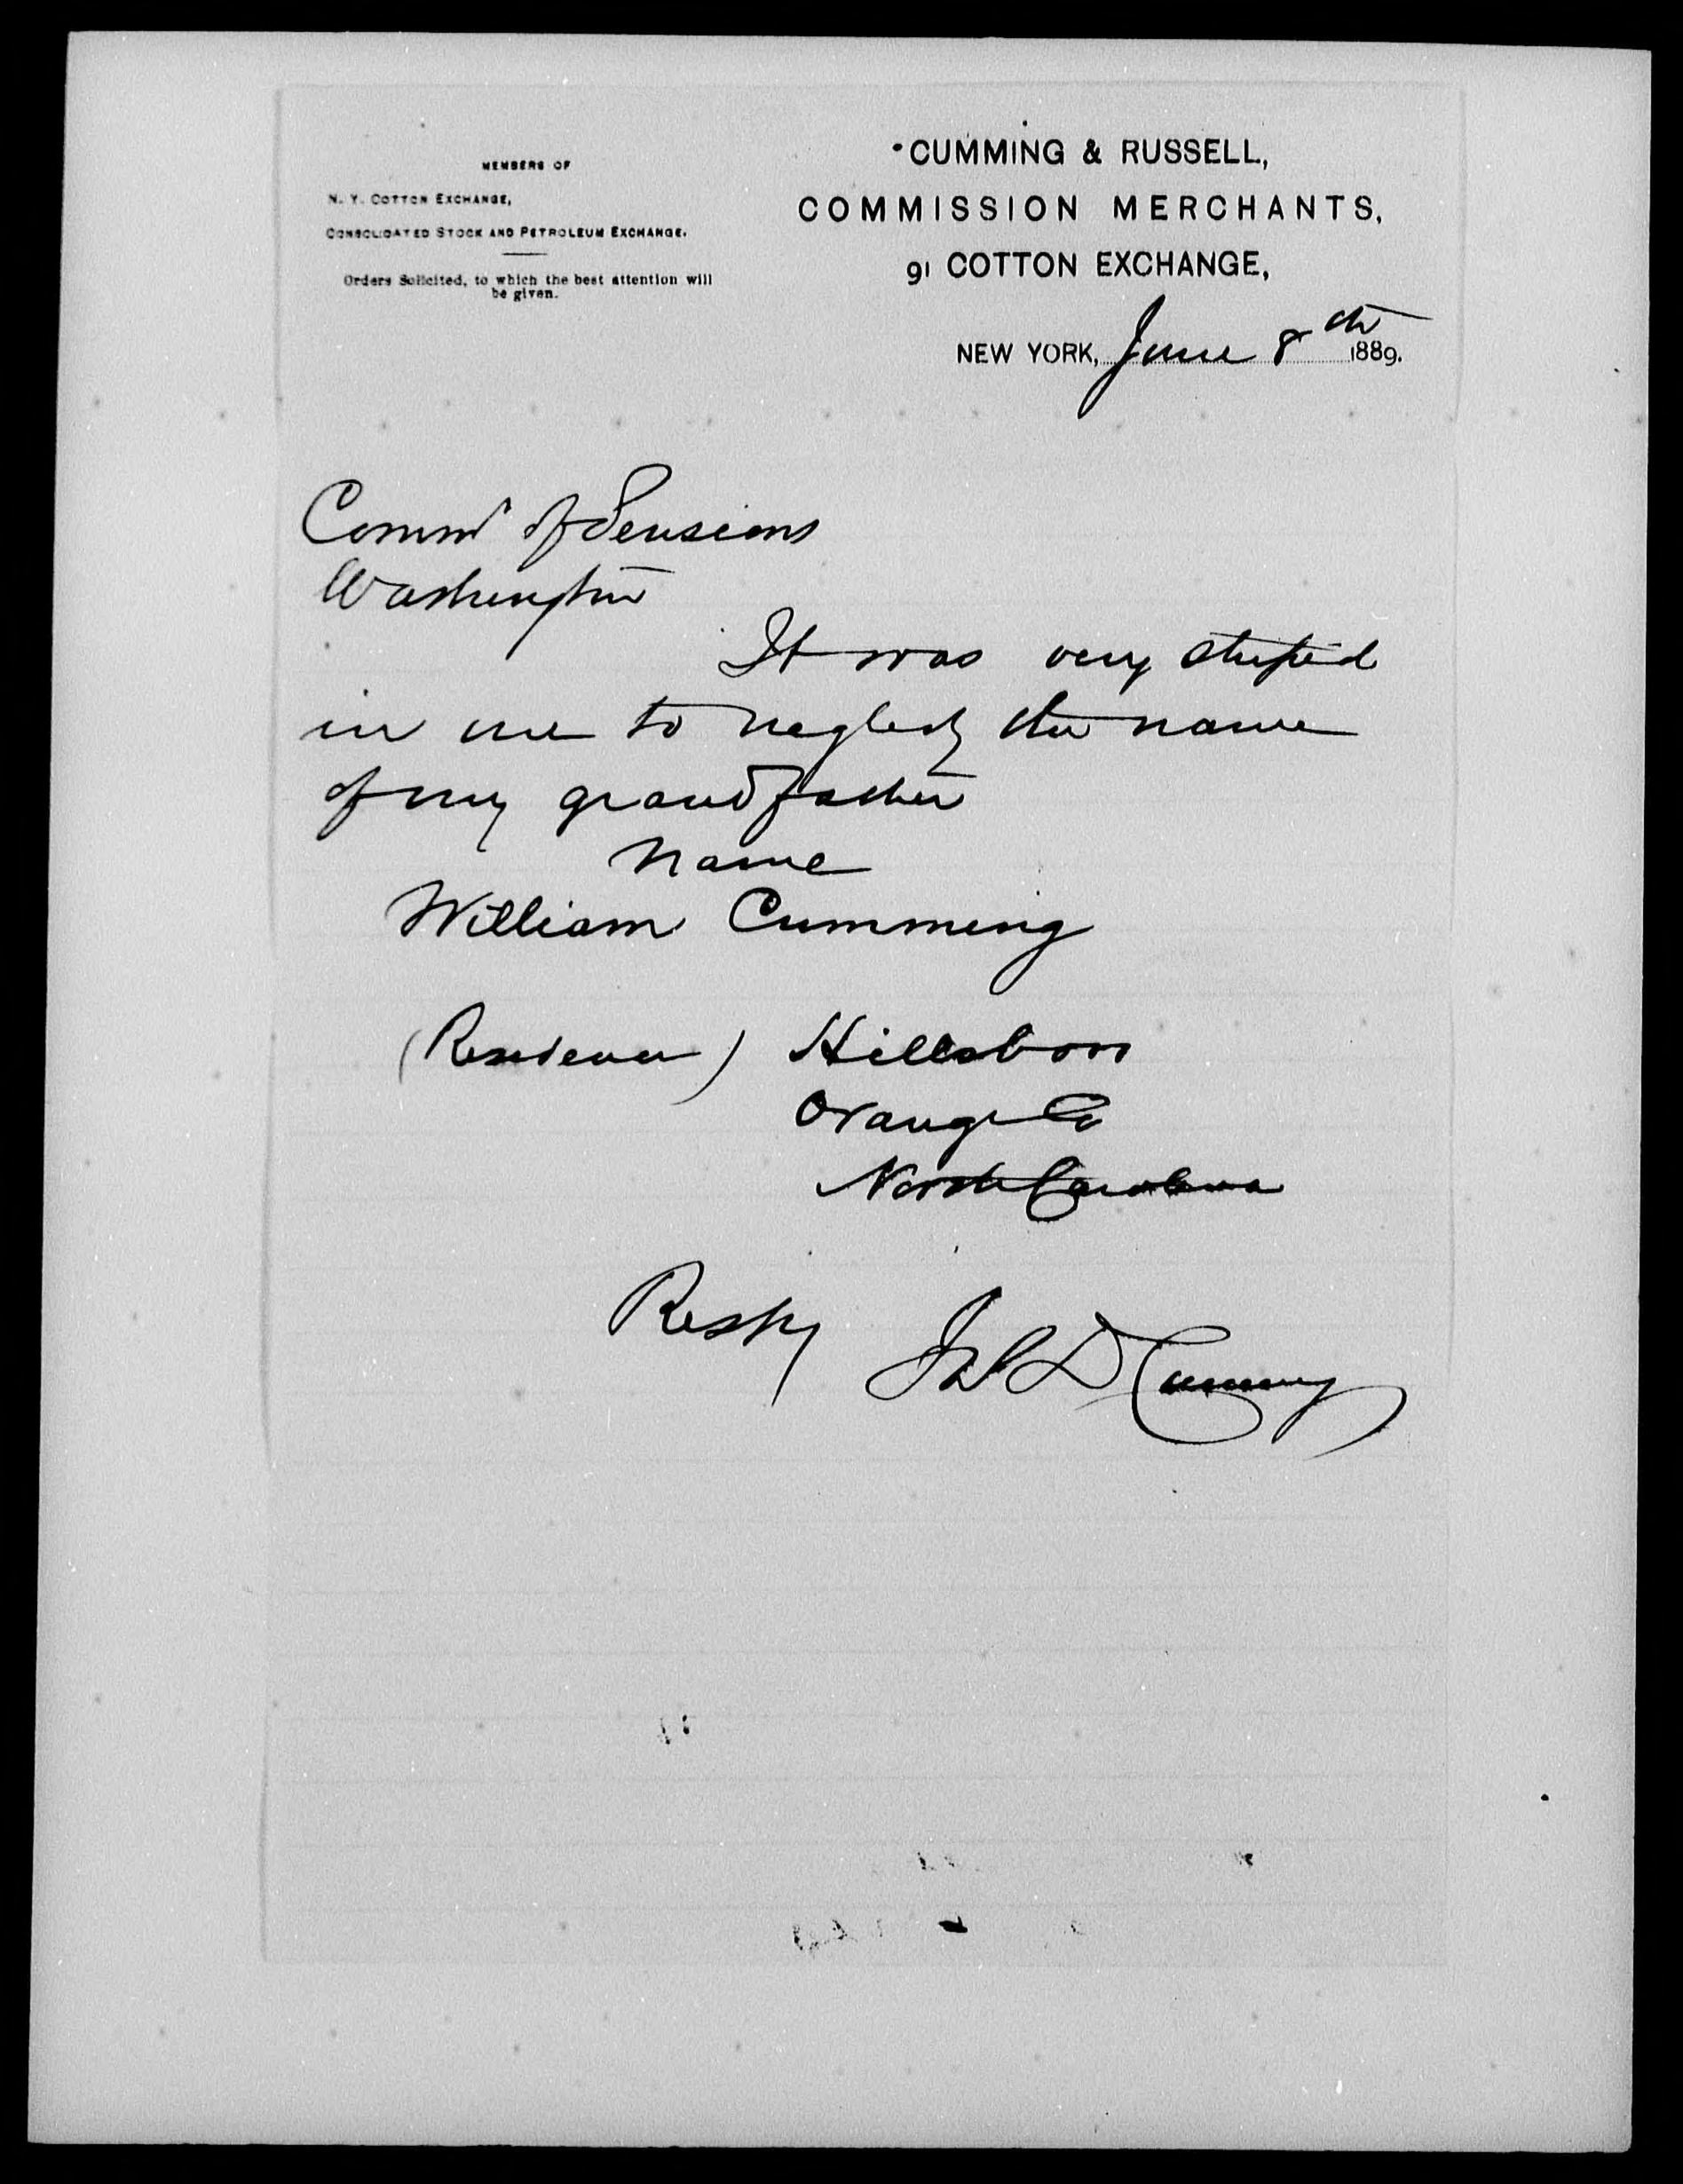[Letter showing corporate letterhead at the top of the page, with handwritten letter below.]

CUMMING & [and] RUSSELL,
COMMISSION MERCHANTS,
91 COTTON EXCHANGE, 
NEW YORK [handwritten date:] June 8th, 1889.

MEMBERS OF
N. Y. COTTON EXCHANGE,
CONSOLIDATED STOCK AND PETROLEUM EXCHANGE.

Orders Solicited, to which the best attention will be given.

[Handwritten letter begins:]
Commr [Commissioner] of Pensions
Washington

It was very [?] stupid [?] in me to neglect the name of my grandfather
name
William Cumming

(Residence)
Hillsboro
Orange Co
North Carolina

[?] Respy [possibly meaning Respectfully]
Jos D Cumming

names: Jos D Cuming, William Cumming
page: 135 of 145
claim: survivor's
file: S. 8265, William Cumming, N.C.